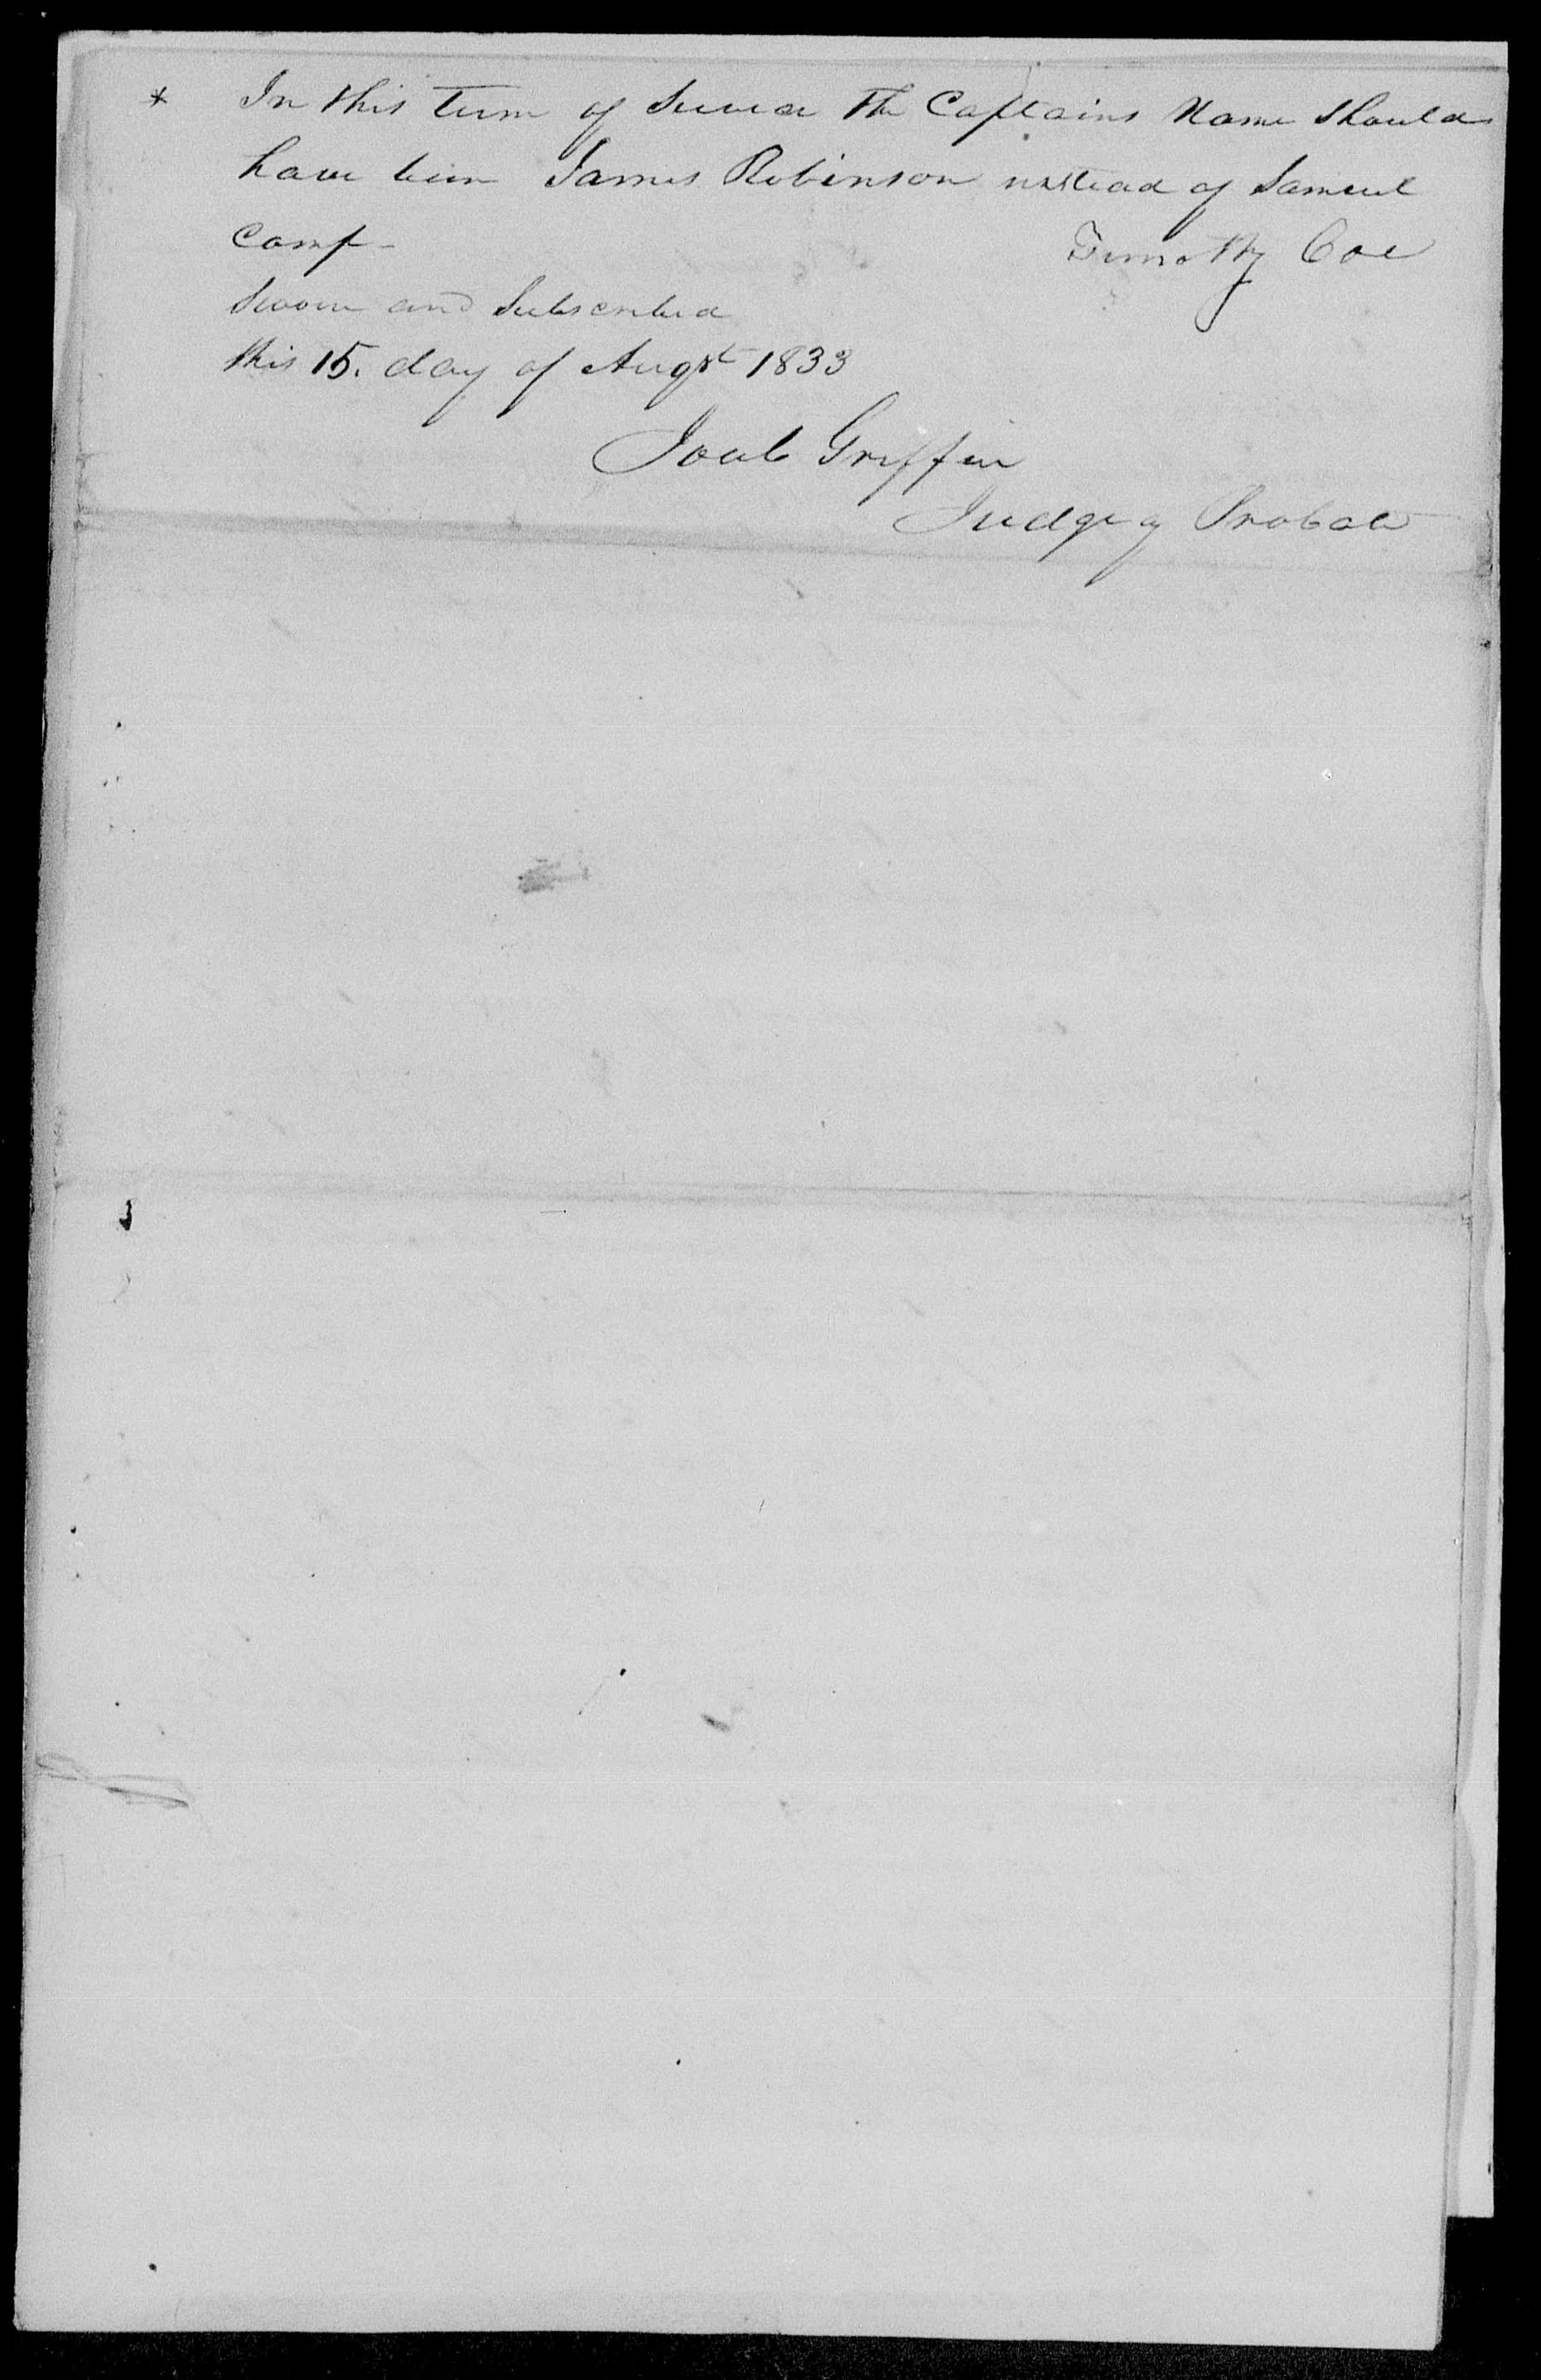* In this time of service the Captain's name should have been Samuel Robinson instead of Samuel Camp.  Timothy Coe
Sworn and substantiated
Joab Griffin
Judge Probate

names: Samuel Camp, Timothy Coe, Joab Griffin, James Robinson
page: 72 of 76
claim: widow's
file: W. 5,250, Timothy Coe, Conn.